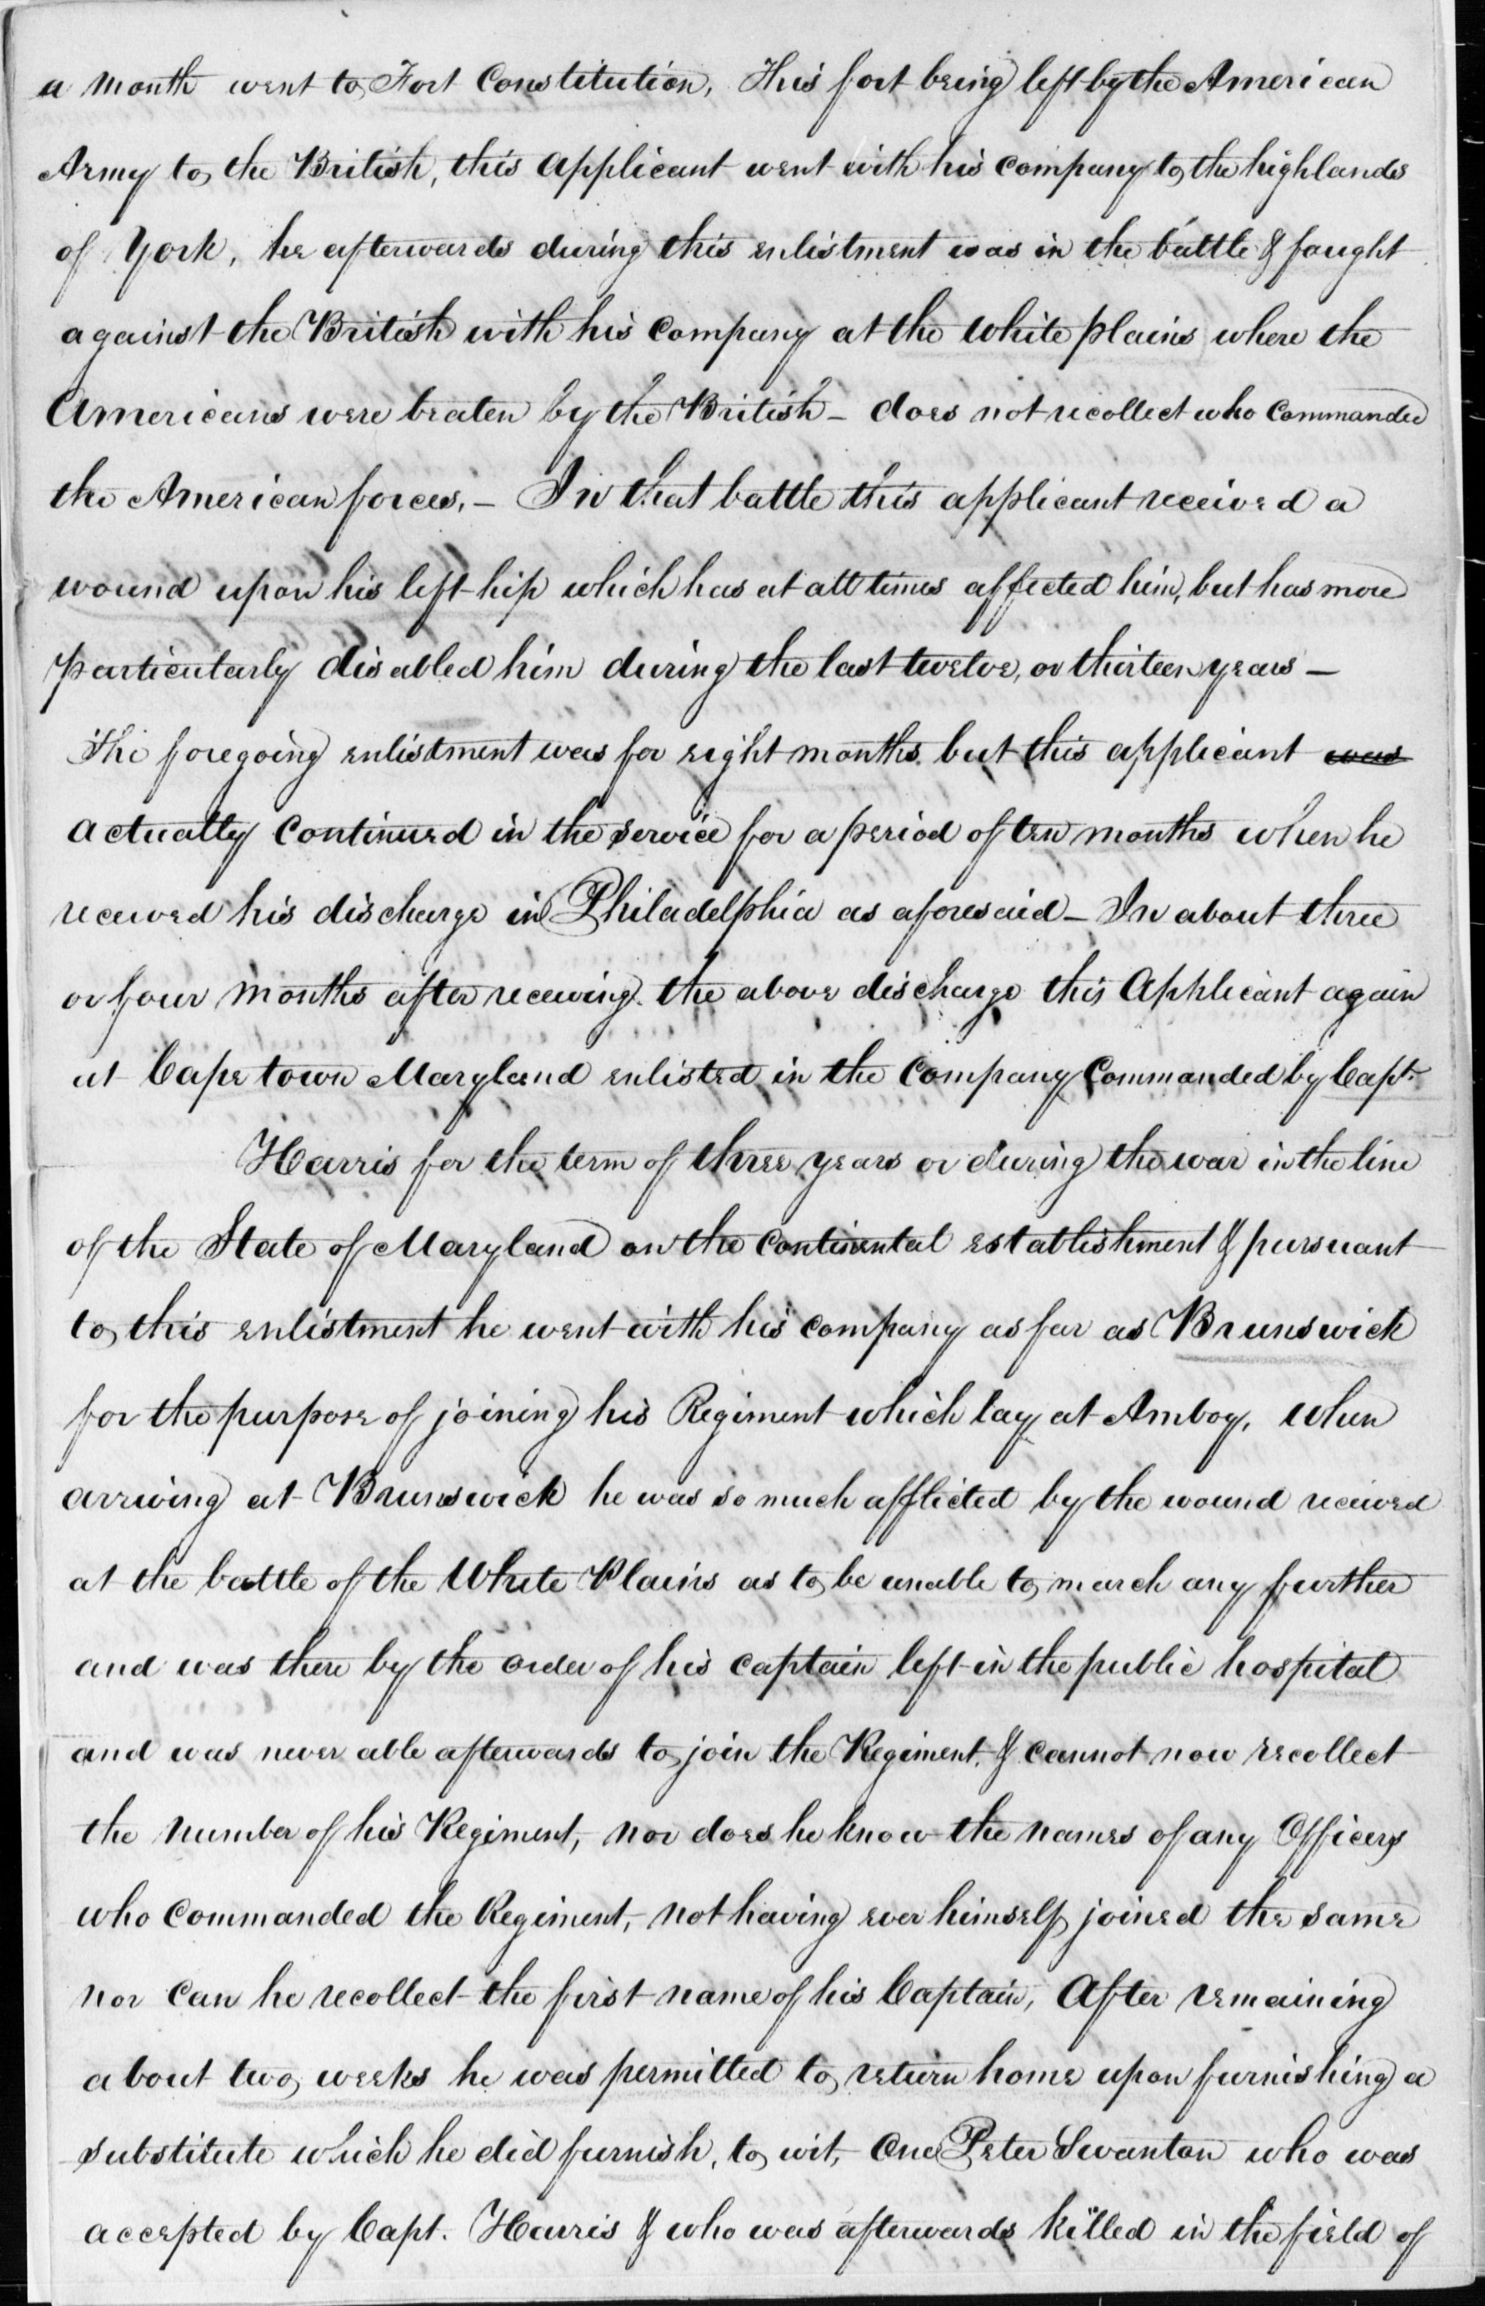a month went to Fort Constitution, this fort being left by the American Army to the British, this Applicant went with his company to the highlands of York, he afterwards during this enlistment was in the battle of & fought against the British with his company at the White plains where the Americans were beaten by the British--does not recollect who commanded the American forces, --In that battle this applicant received a wound upon his left hip which has at all times affected him, but has more particularly disabled him during the last twelve, or thirteen years--The foregoing enlistment was for eight months but this applicant actually continued in the Service for a period of ten months when he received his discharge in Philadelphia as aforesaid--In about three or four months after receiving the above discharge this Applicant again at Capetown Maryland enlisted in the Company Commanded by Capt. Harris for the term of three years or during the war in the line of the State of Maryland on the Continental Establishment & pursuant to this enlistment he went with his company as far as Brunswick for the purpose of joining his Regiment which lay at Amboy. When arriving at Brunswick he was so much afflicted by the wound received at the battle of the White Plains as to be unable to march any further and was there by  the order of his captain left in the public hospital and was never able afterwards to join the Regiment & cannot now recollect the number of his Regiment, nor does he know the names of any Officers who Commanded the Regiment, not having ever himself joined the same now can he recollect the first name of his Captain. After remaining about two weeks he was permitted to return home upon furnishing a Substitute which he did furnish, to wit, One Peter Swanton who was accepted by Capt. Harris & who was afterwards killed in the field of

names: Peter Swanton, Harris, Harris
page: 6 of 15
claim: rejected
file: R. 22, Isaac Ackright, Md.